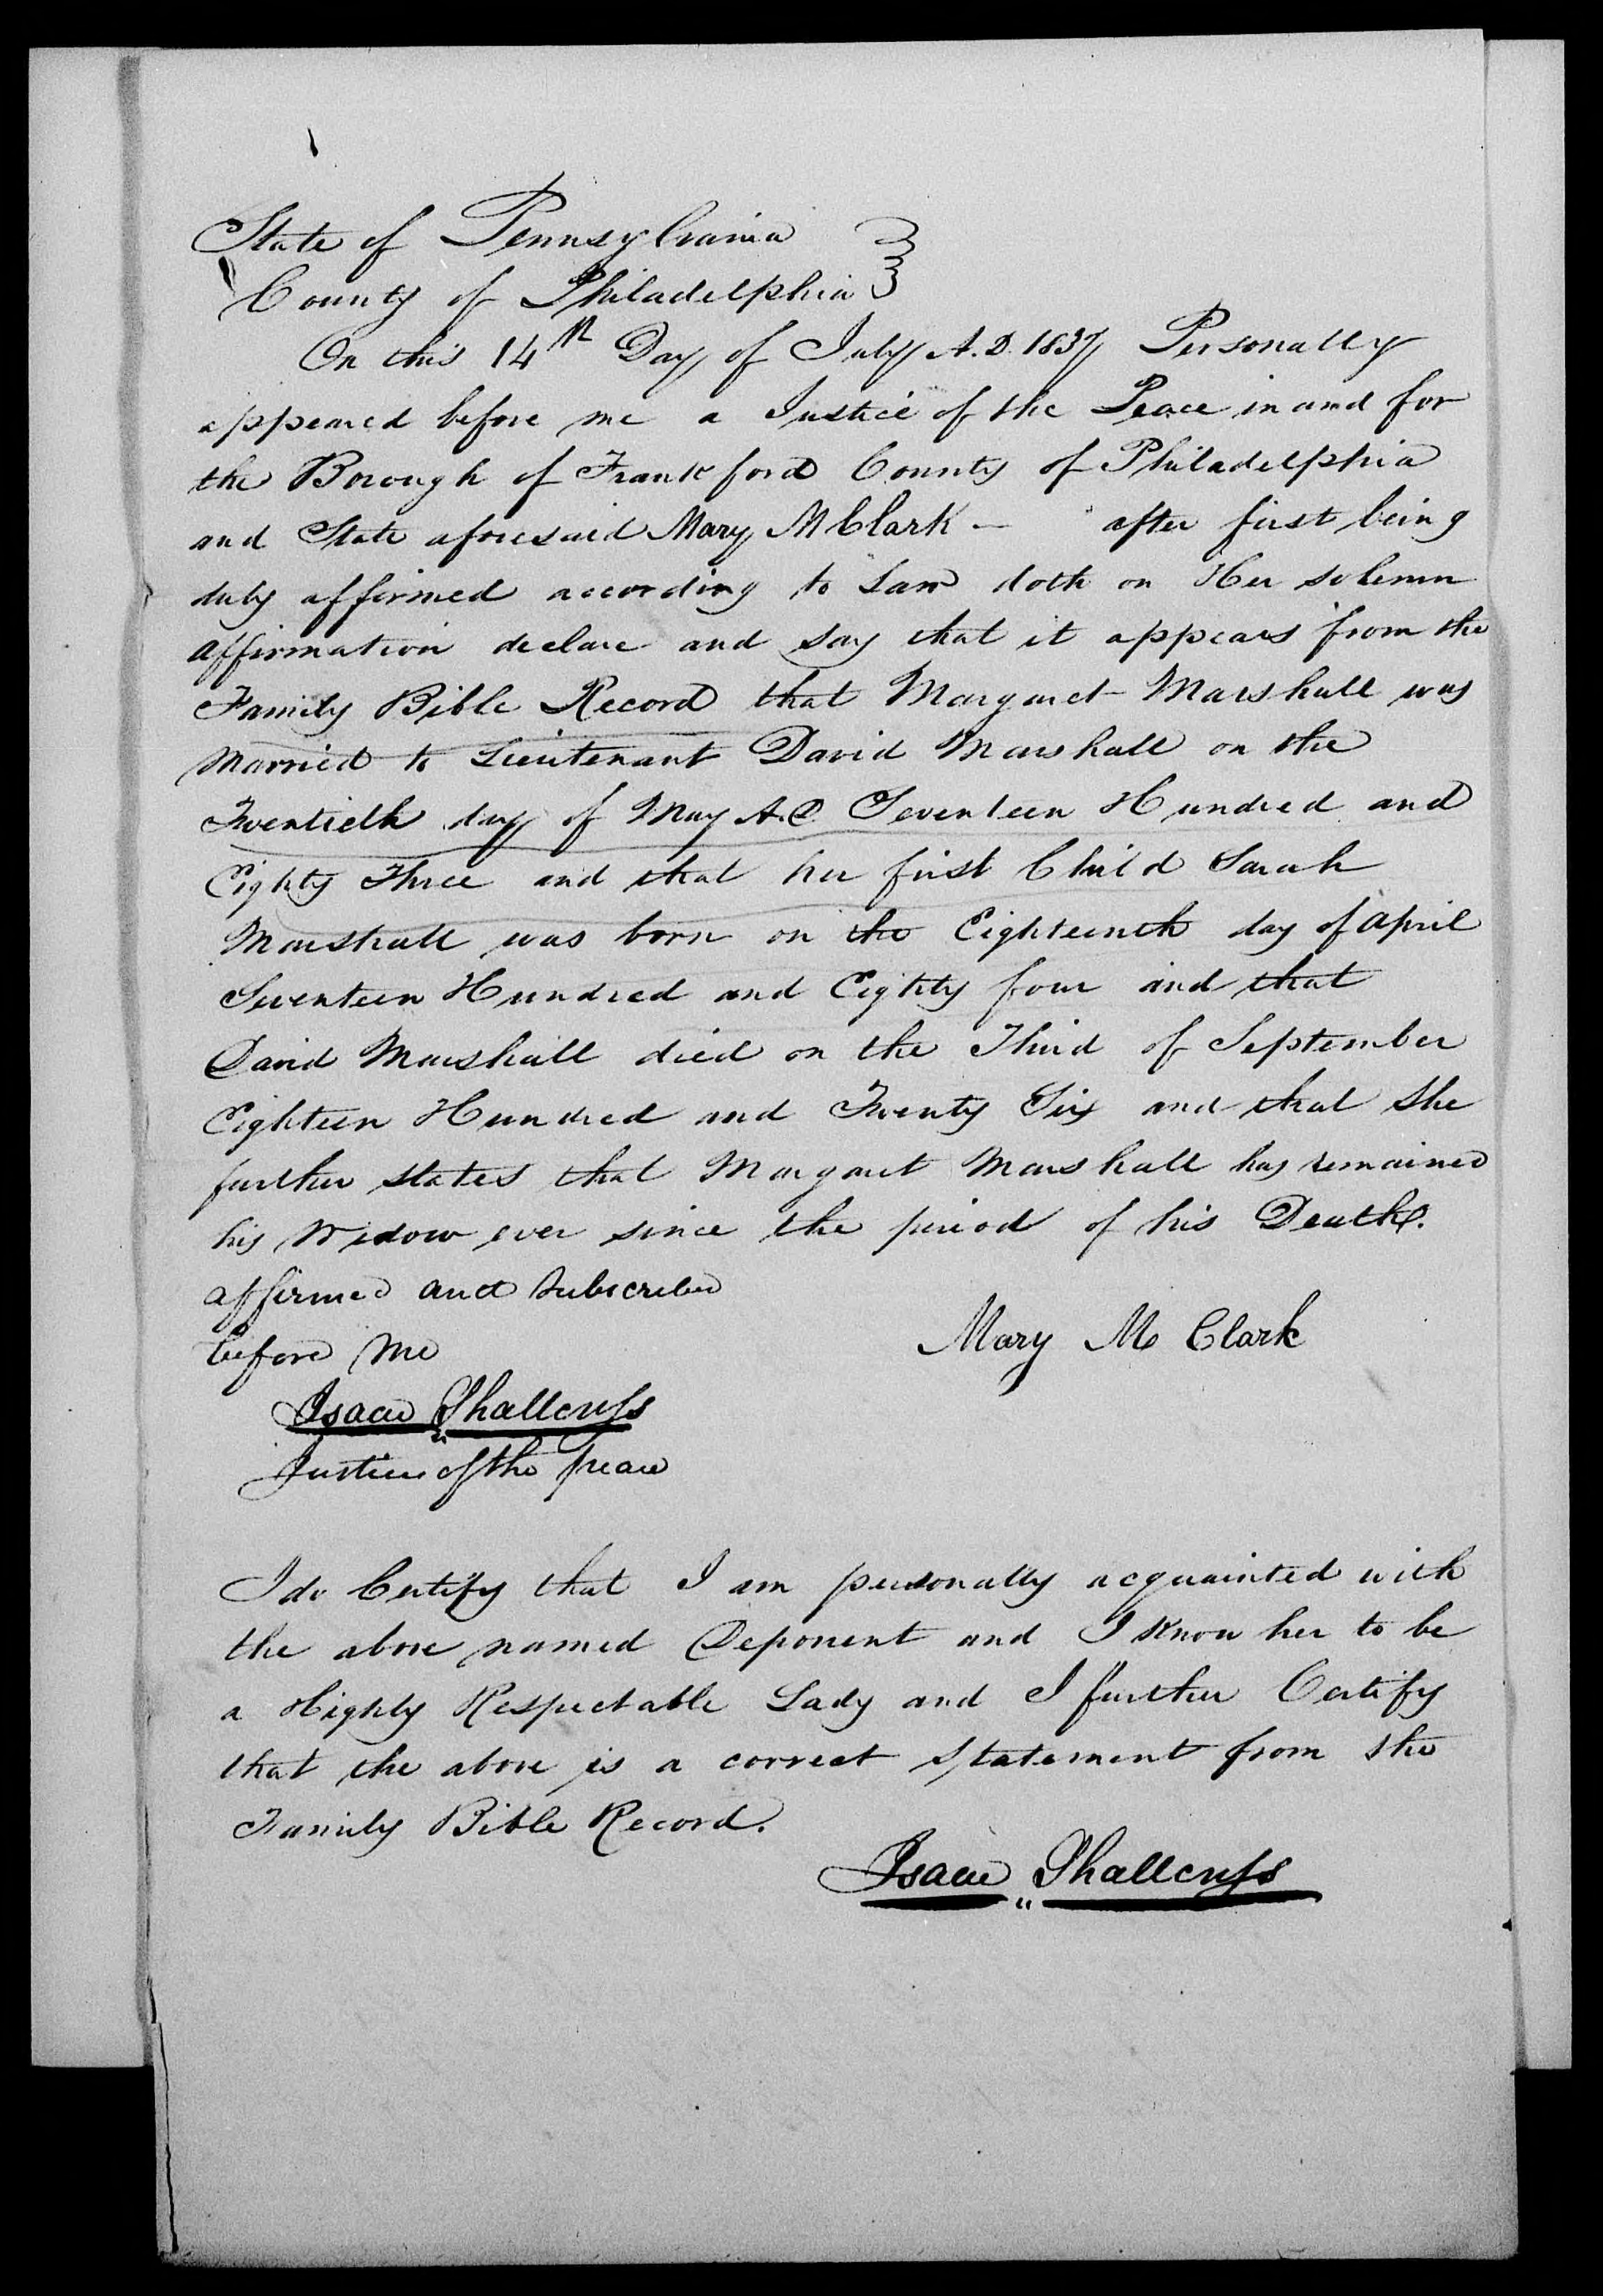State of Pennsylvania
County of Philadelphia
On this 14th Day of July A.D. 1837 Personally appeared before me a Justice of the Peace in and for the Borough of Frankford County of Philadelphia and State aforesaid Mary M Clark - after first being duly affirmed according to [illegible] on Her solemn affirmation declare and say that it appears from the Family Bible Record [underlined] that Margaret Marshall was married to Lieutenant David Marshall on the Twentieth day of May A.D. Seventeen Hundred and Eighty Three and that her first child Sarah [underlined] Marshall was born on the Eighteenth day of April Seventeen Hundred and Eighty four and that David Marshall died on the Third of September Eighteen Hundred and Twenty Six and that she further states that Margaret Marshall has remained his widow ever since the period of his Death.

Mary M Clark (signature) 
Affirmed and Subscribed before me
Isaac Shallcross 
Justice of the Peace 

I do certify that I am personally acquainted with the above named Deponent and I know her to be a Highly Respectable Lady and I further Certify that they above is a correct statement from the Family Bible Record.
Isaac Shallcross [underlined]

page: 15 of 86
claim: widow's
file: W. 3571, for David Marshall, Pennsylvania